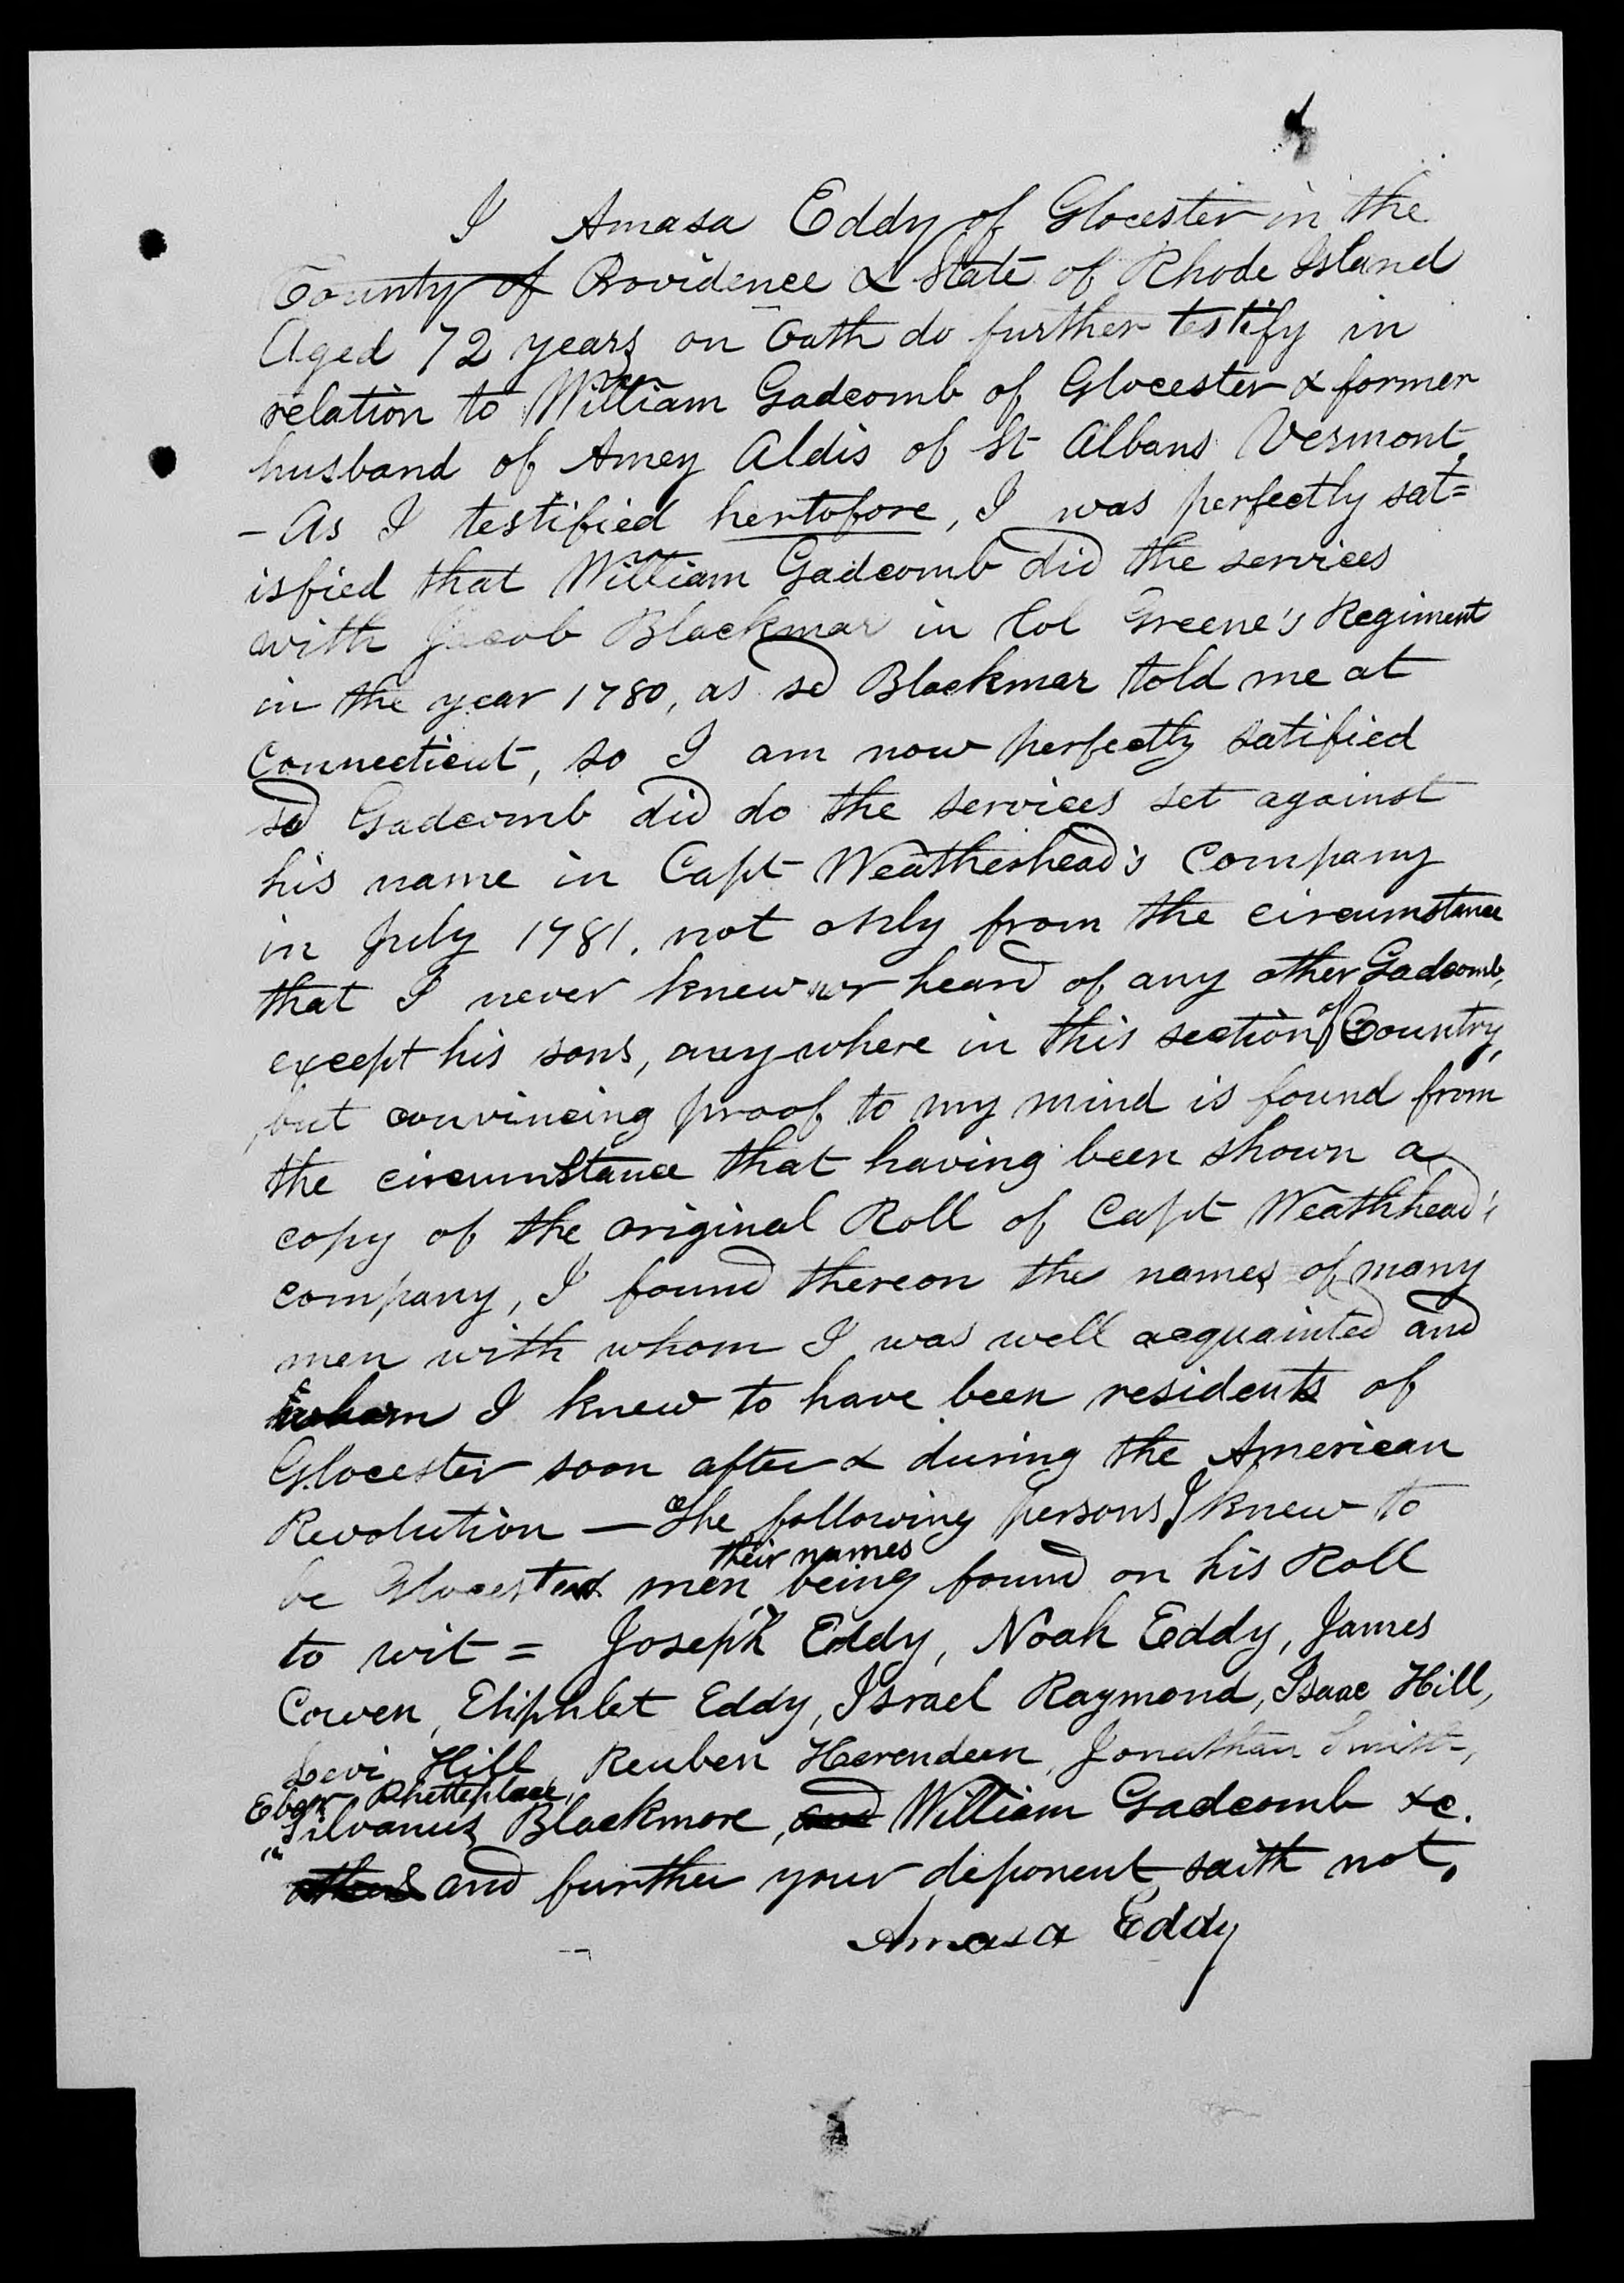I Amasa Eddy of Glocester in the County of Providence & State of Rhode Island Aged 72 years on oath do further testify in relation to William Gadcomb of Glocester & former husband of Amey Aldis of St. Albans Vermont. As I testified heretofore, I was perfectly satisfied that William Gadcomb did the services with Jacob Blackmar in Col. Greene's Regiment in the year 1780 as sd. Blackmar told me at Connecticut, so I am now perfectly satisfied sd Gadcomb did do the services set against his name in Capt. Weatherhead's Company in July 1781. Not only from the circumstance that I never knew or heard of any other Gadcomb, except his sons, anywhere in this section of Country but convincing proof to my mind is found from the circumstance that having been shown a copy of the original Roll of Capt. Weatherhead's Company, I found thereon the names of many men with whom I was well acquainted and whom I knew to have been residents of Glocester soon after & during the American Revolution. The following persons I knew to be Glocester men their names being found on his Roll to wit = Joseph Eddy, Noah Eddy, James Cowen, Eliphlet Eddy, Israel Raymond, Isaac Hill, Levi Hill, Reuben Herendeen, Jonathan Smith, Ebon Phetteplace, Silvanus Blackmore, William Gadcomb &c. and further you deponent saith not, Amasa Eddy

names: William Gadcomb, Amasa Eddy, Jonathan Smith, Ebon Phetteplace, Israel Raymond, Gadcomb, Silvanus Blackmore, Eliphlet Eddy, Levi Hill, Isaac Hill, Amey Aldis, William Gadcomb, Noah Eddy, William Gadcomb, Gadcomb, Amasa Eddy, Joseph Eddy, Reuben Herendeen, James Cowen, Blackmar, Jacob Blackmar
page: 42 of 76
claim: widow's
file: W. 15,517, William Gadcomb, R.I.